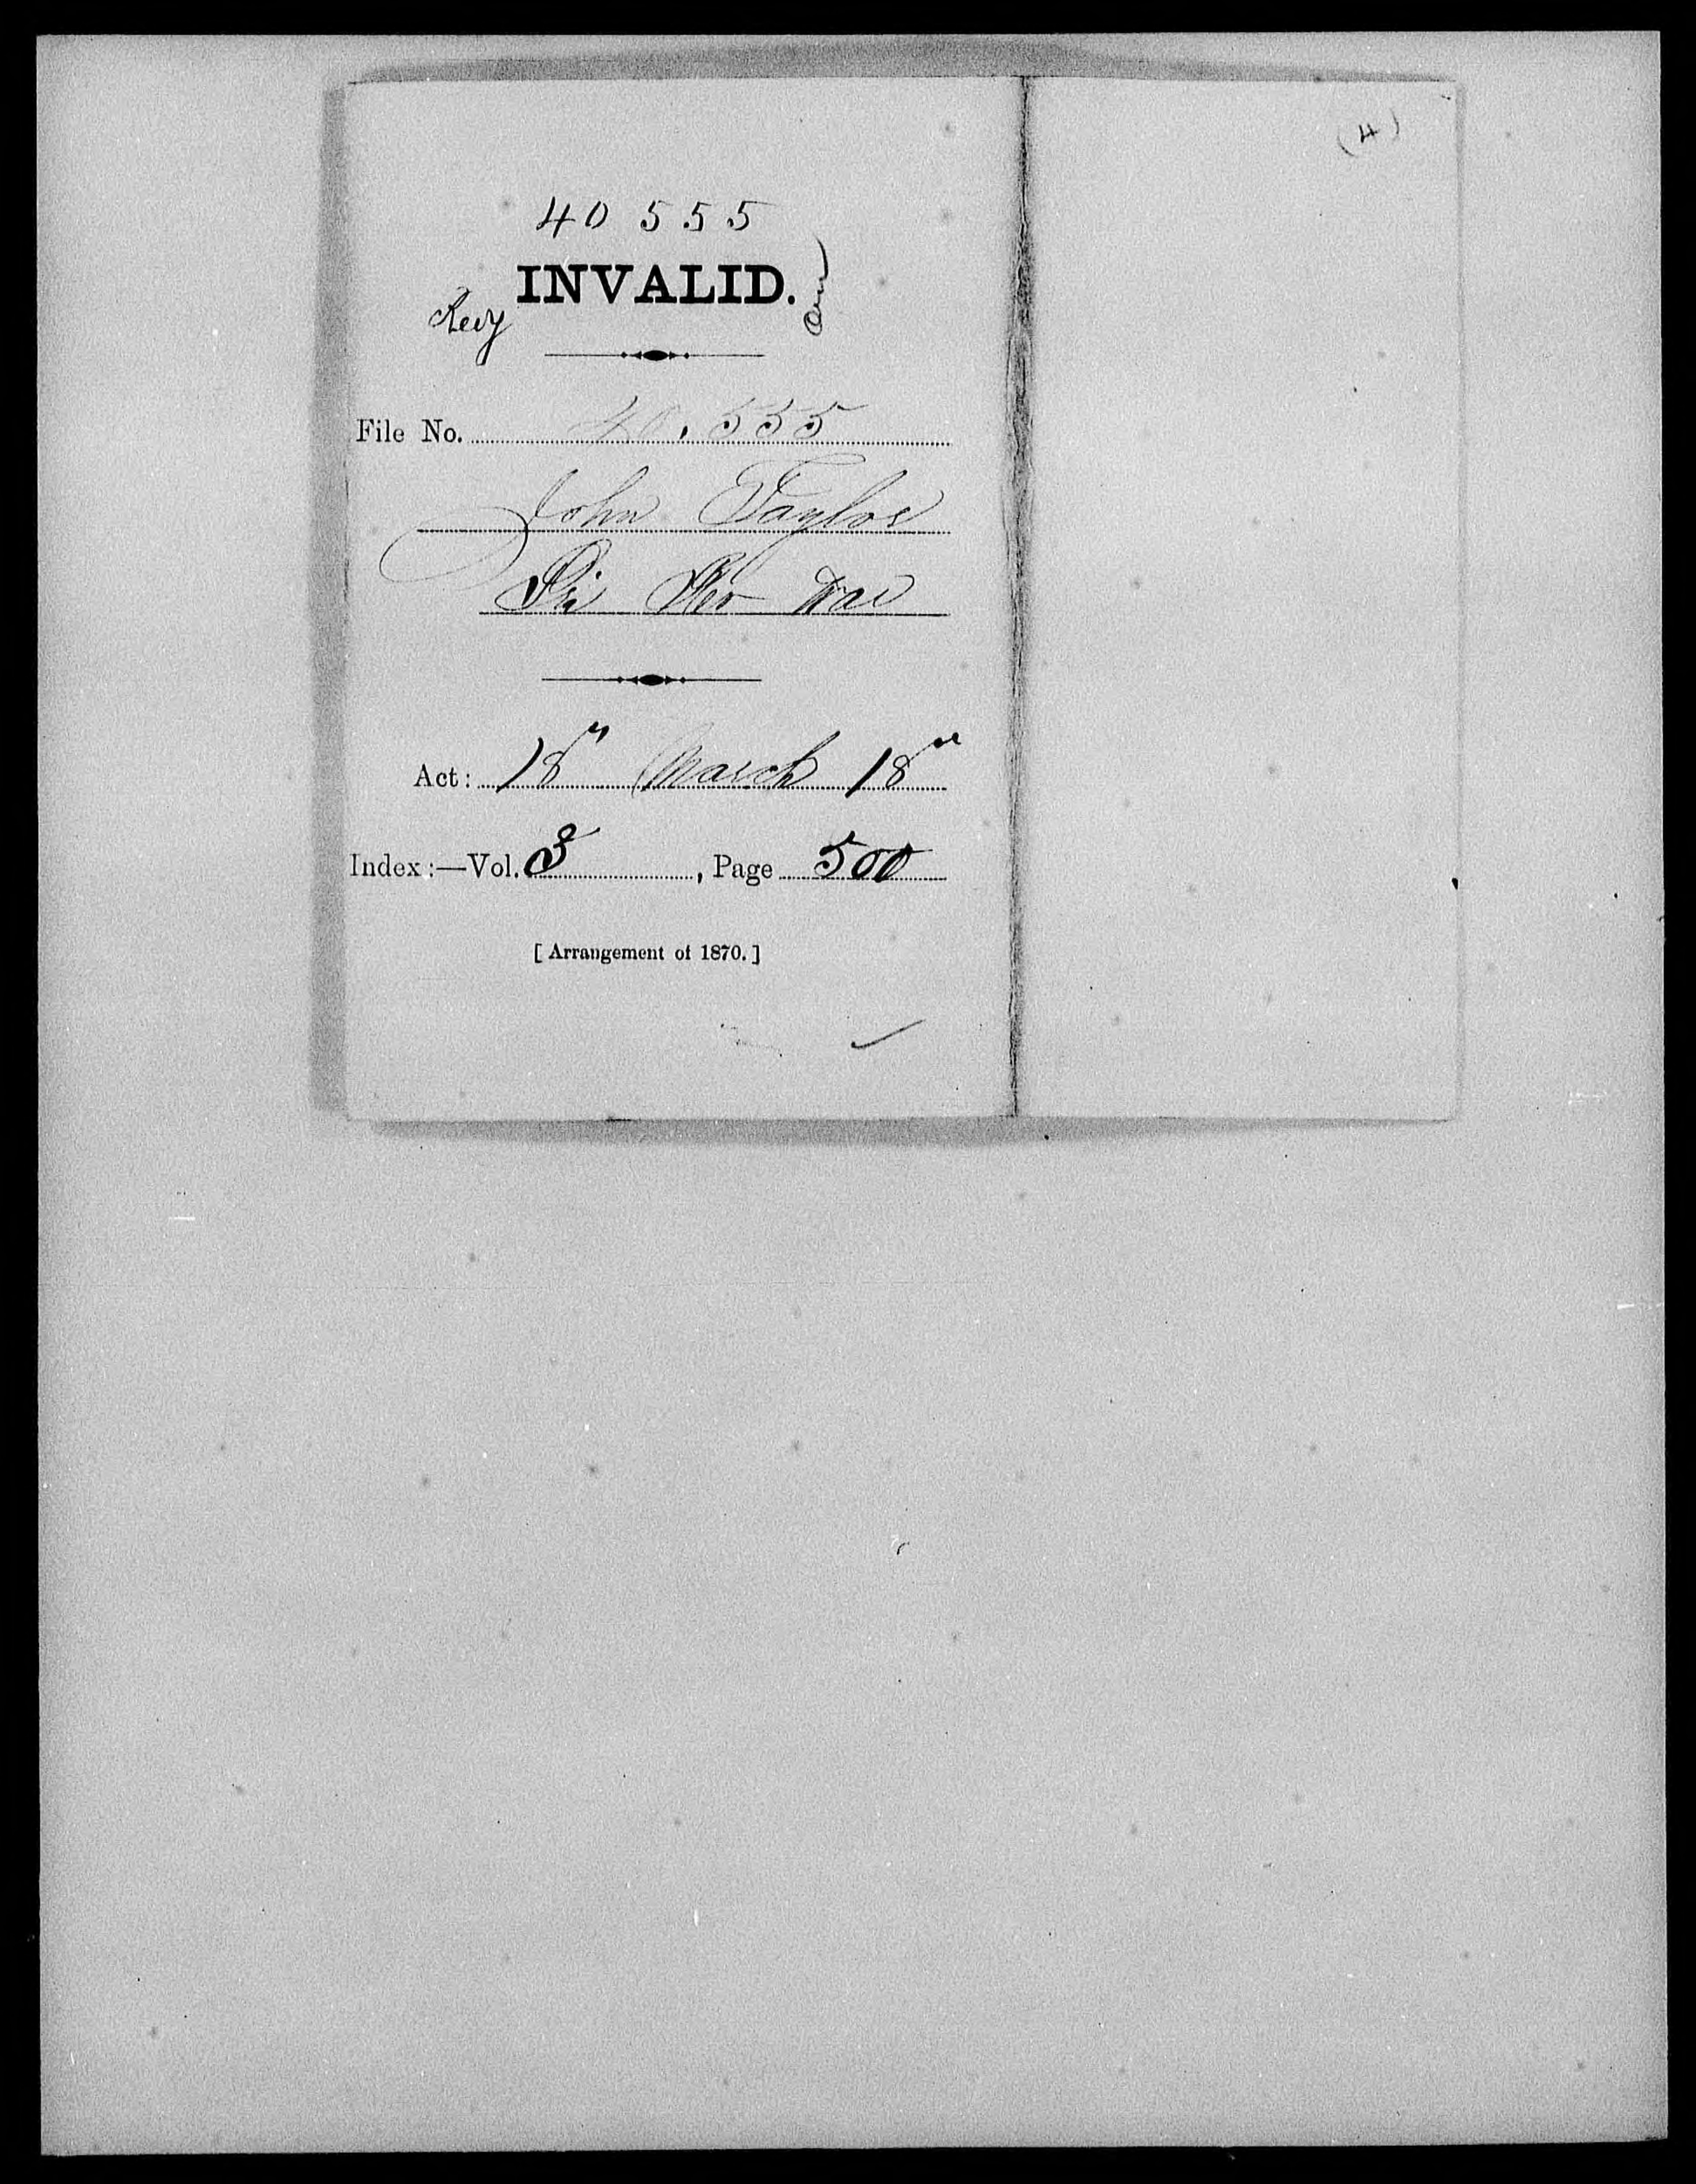40555

INVALID.
Revy

File No. 40.555

John Taylor 
Pri Rev War

Act:  18th March 18

Index : Vol. 3, Page 500

[Arrangement of 1870]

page: 3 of 9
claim: survivor's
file: S. 40,555, for John Taylor, New Jersey